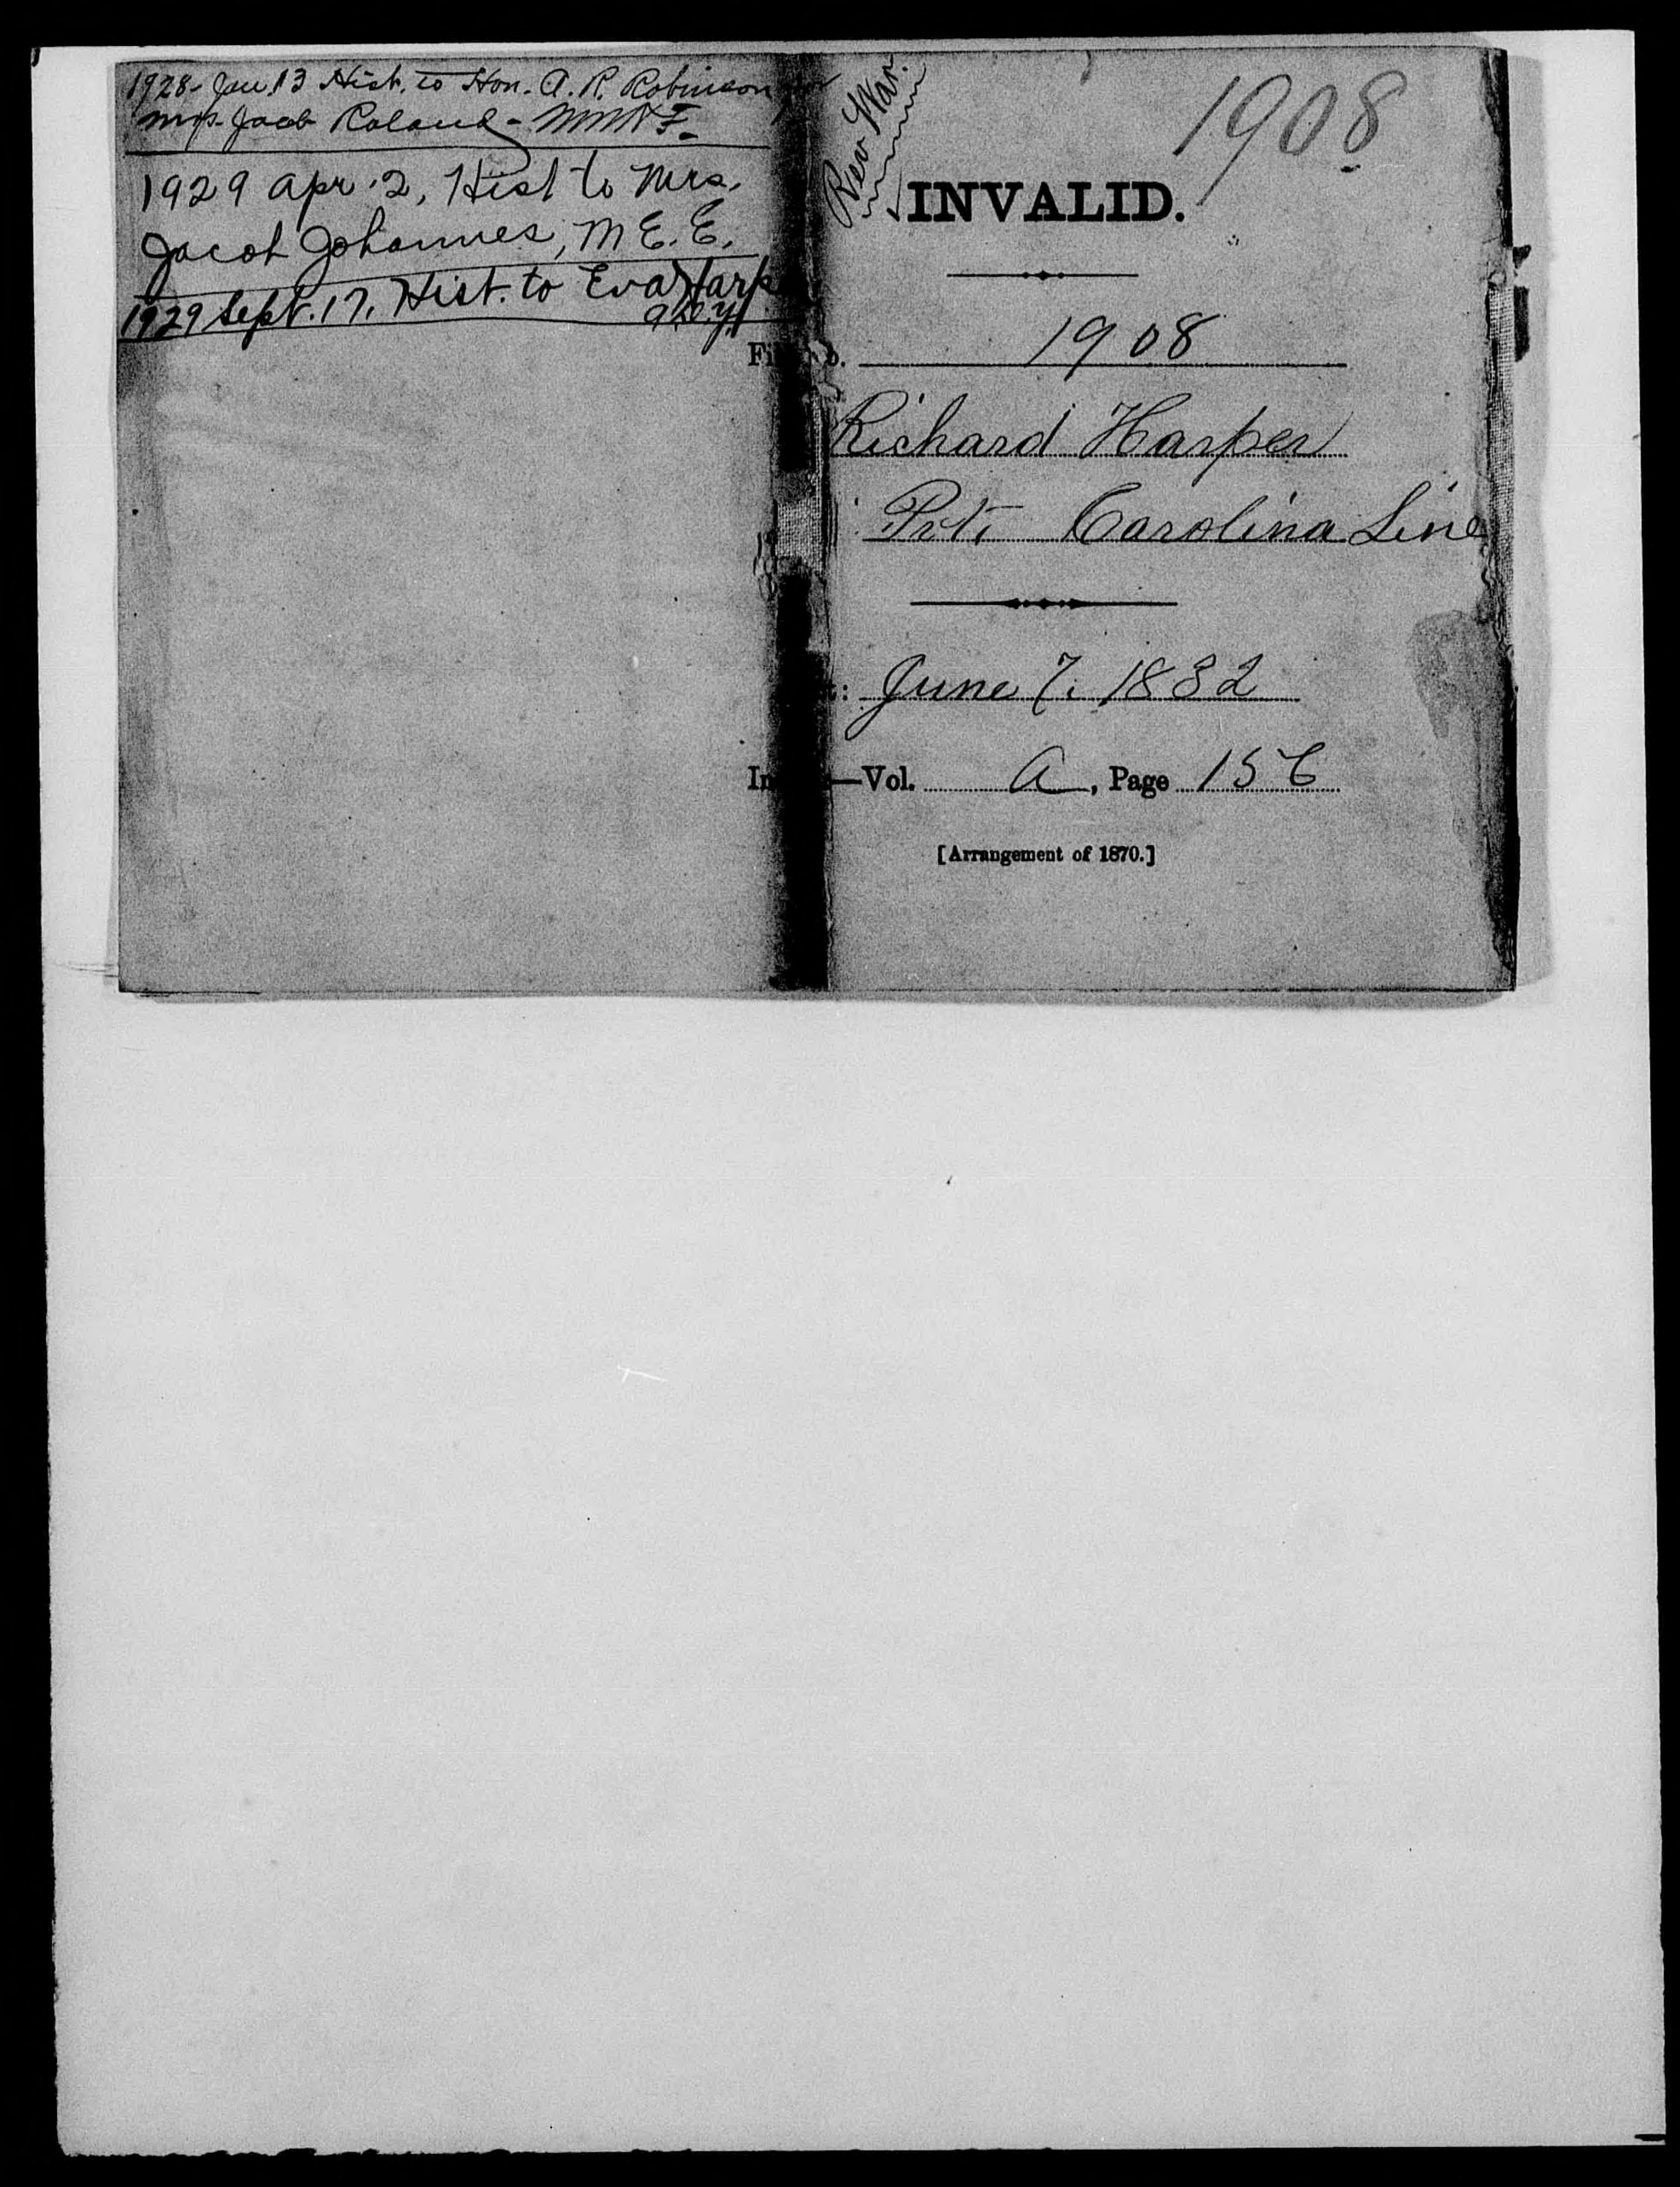1928 Jan 13 Hist to Hon. A. R. Robinson
Mrs. Jacob Roland [illegible]
1929 Apr 2, Hist to Mrs.
Jacob Johannes, M. E. E
1929 Sept. 17. Hist. to Eva Harper
A D Y

Rev War
1908

INVALID.
1908
Richard Harper
Prt [private] Carolina Line
---
June 7, 1832
Vol A, Page 15 C
[Arrangement of 1870.]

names: Richard Harper, Jacob Johannes, A R Robinson, Eva Harper, Jacob Roland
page: 48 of 81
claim: survivor's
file: S. 1908, Richard Harper, N.C.